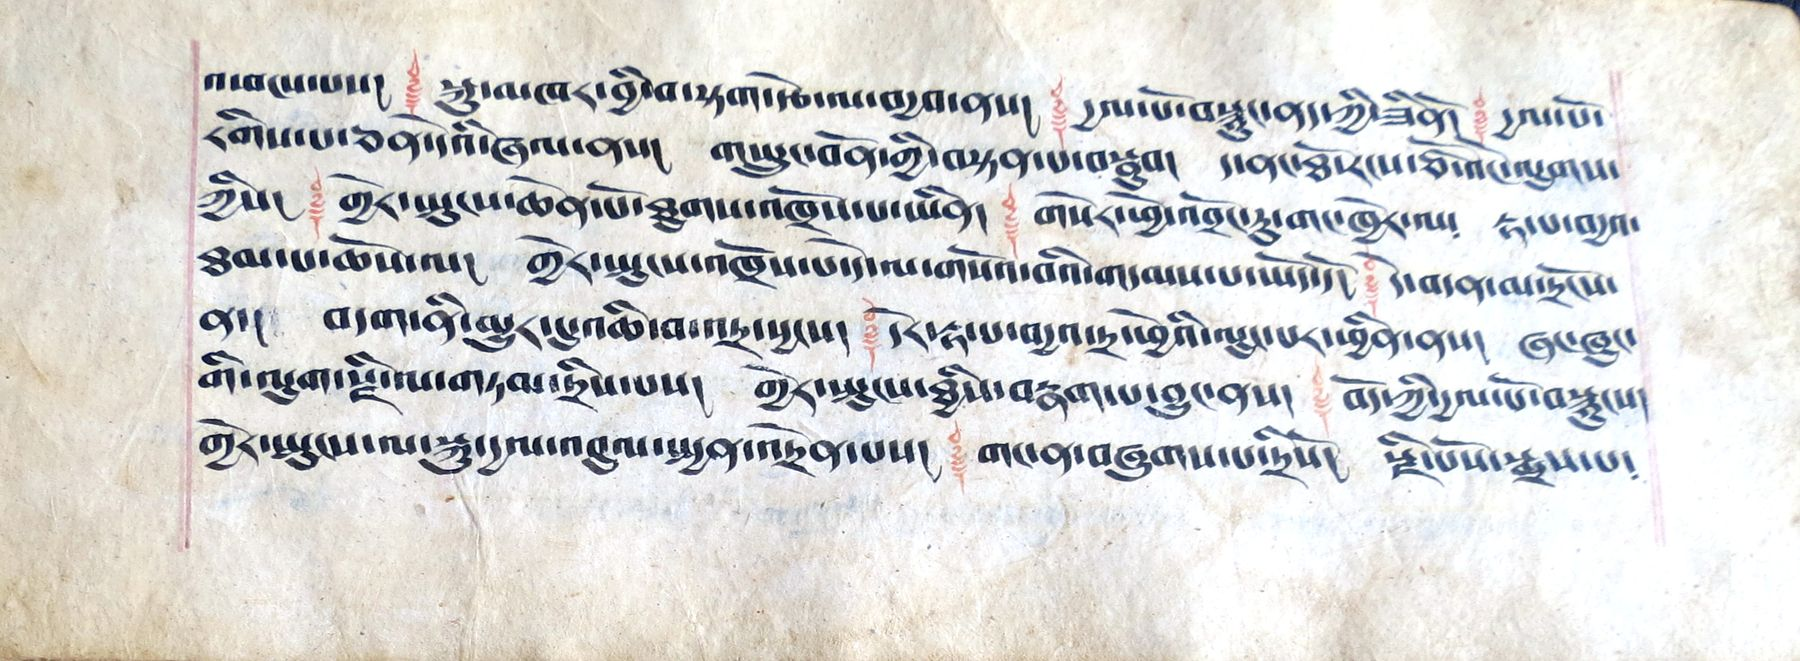འཕང་པས། སྐུ་མཁར་བྱི་བ་སྟག་རྩེ་ལ་བརྒྱབས་ནས། རྒྱལ་པོ་སྙུང་གིས་ཟིན་ནོ། ། རྒྱལ་པོ་
རིག་པ་ཅན་དེས་ཞལ་ནས། གཡུང་དྲུང་བོན་གྱི་བསྟན་པ་བསྣུབས། བོན་སྐྱོང་རྒྱལ་པོ་བཀྲོངས། ད་ནངས་ཐོ་རངས་ཙྭོ་འོང་ལུགས་
ཀྱིས། གྱེར་སྤུངས་ཆེན་པོ་ཐུགས་འཁྲོས་པ་ཡིན་པས། གསེར་ཕྱེ་འབྲོང་རུ་གང་ཁྱེར་ལ། མི་རྟ་བརྒྱ་
ཐམ་པ་ཆོས་ཤིག གྱེར་སྤུངས་འཁྲོས་པ་དེ་ལ་གསོ་བའི་གདམས་པ་ཡོད་དོ། ། དེ་གདན་མ་དྲང་
ན། བདག་ནི་མྱུར་དུ་འཆི་བ་འདྲ་གསུངས་སོ། ། དེར་རྟ་པ་བརྒྱ་དྲྭ་བྱེའི་ལུང་པར་ཕྱིན་ནས། ཞང་ཞུང་
གི་ལུག་རྫི་ལ་གཏམ་དྲིས་པས། གྱེར་སྤུངས་ཐུགས་ཀྱིས་བརྣག་པ་ཕྱུངས་ནས་བོད་ཀྱི་རྒྱལ་པོ་སྙུང་། 
གྱེར་སྤུངས་ལ་སྐུ་རྒྱལ་འབུལ། སྤྱན་འདྲེན་པས་གང་ན་བཞུགས་དྲིས་སོ། ། རྫི་བོས་སྨྲས་པ།